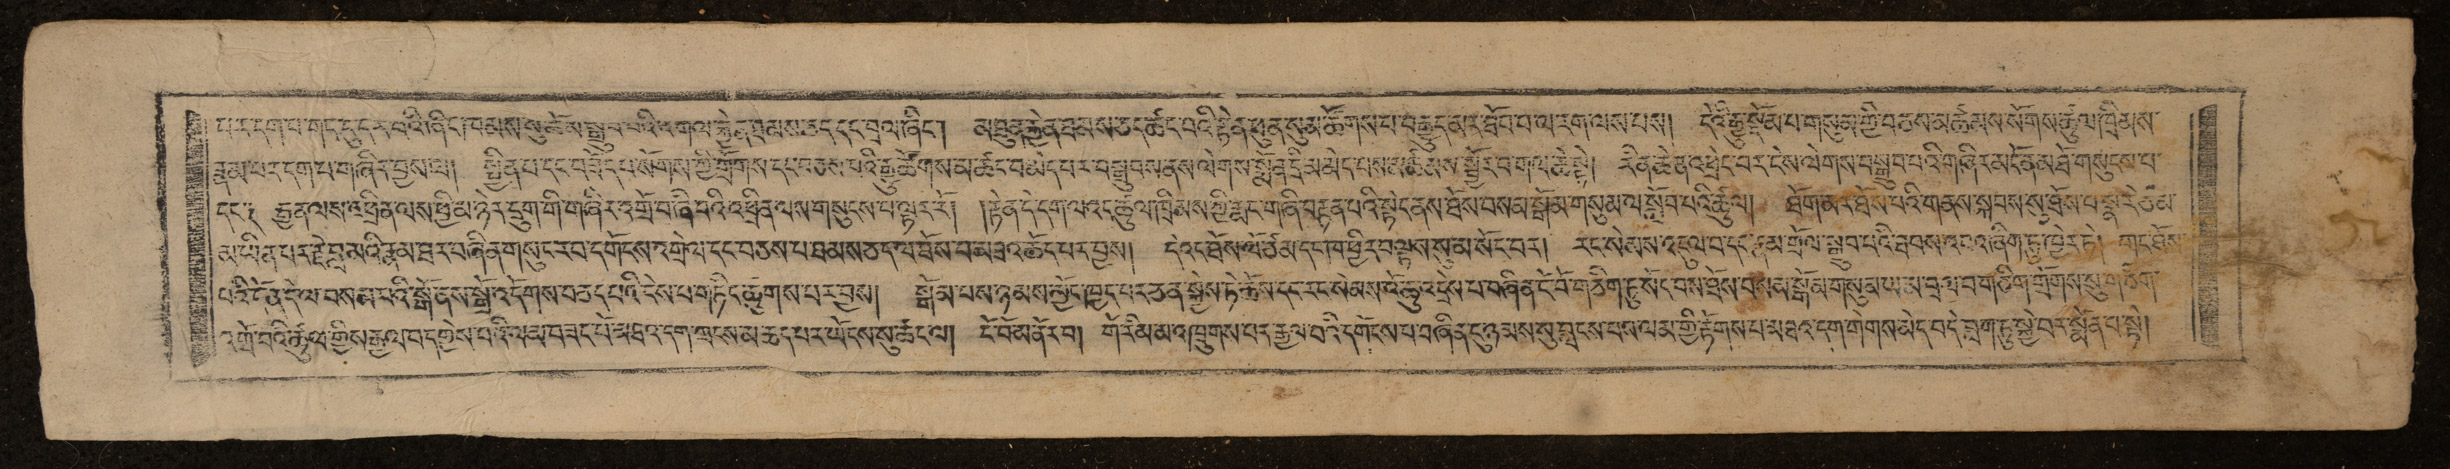བར་དག་པ་གང་དུ་དར་བའི་ཞིང་ཁམས་སུ་ཆོས་སྒྲུབ་པའི་འགལ་རྐྱེན་ཐམས་ཅད་དང་བྲལ་ཞིང་། མཐུན་རྐྱེན་ཐམས་ཅད་ཚང་བའི་རྟེན་ཕུན་སུམ་ཚོགས་པ་བརྒྱུད་མར་ཐོབ་པ་ལ་རག་ལས་པས། དེའི་རྒྱུ་སྡོམ་པ་གསུམ་གྱི་བཅས་མཚམས་སོགས་ཚུལ་ཁྲིམས་
རྣམ་པར་དག་པ་གཞིར་བྱས་ལ། སྦྱིན་པ་དང་བཟོད་པ་སོགས་ཀྱི་གྲོགས་དང་བཅས་པའི་རྒྱུ་ཚོགས་མ་ཚང་བ་མེད་པར་བསྒྲུབས་ནས་ལེགས་སྨོན་དྲི་མ་མེད་པས་མཚམས་སྦྱོར་བ་གལ་ཆེ་སྟེ། རིན་ཆེན་འཕྲེང་བར་ངེས་ལེགས་བསྒྲུབ་པའི་གཞིར་མངོན་མཐོ་གསུངས་ཕ་
དང༑ རྒྱན་ལས་འཕྲིན་ལས་ཕྱི་མ་ཉེར་དྲུག་གི་གཞིར་འགྲོ་བ་ཞི་བའི་འཕྲིན་ལས་གསུངས་པ་ལྟར་རོ། །རྟེན་དེ་དག་ལའང་ཚུལ་ཁྲིམས་ཀྱི་རྨང་གཞི་བརྟན་པའི་སྟེང་ནས་ཐོས་བསམ་སྒོམ་གསུམ་ལ་སློབ་པའི་ཚུལ། ཐོག་མར་ཐོས་པའི་གནས་སྐབས་སུ་ཐོས་པ་སྣ་རེ་ཙམ་
མ་ཡིན་པར་རྗེ་བླ་མའི་རྣམ་ཐར་བཞིན་གསུང་རབ་དགོངས་འགྲེལ་དང་བཅས་པ་ཐམས་ཅད་ལ་ཐོས་པ་མཐའ་ཆོད་པར་བྱས། དེའང་ཐོས་ལོ་ཙམ་དང་ཁ་ཕྱིར་བལྟས་སུམ་སོང་བར། རང་སེམས་འདུལ་པ་དང་རྣམ་གྲོལ་སྒྲུབ་པའི་ཐབས་འབའ་ཞིག་ཏུ་ཁྱེར་ཏེ། གང་ཐོས་
པའི་དོན་དེ་ལ་བསམ་པའི་སྒོ་ནས་སྒྲོ་འདོགས་བཅད་པའི་ངེས་པ་གཏིང་ཚུགས་པར་བྱས། སྒོམ་པས་ཉམས་མྱོང་ཁྱད་པར་ཅན་སྐྱེས་ཏེ་ཆོས་དང་རང་སེམས་པའི་ཆུ་འདྲེས་པ་བཞིན་ངོ་བོ་གཅིག་ཏུ་སོང་བས་ཐོས་བསམ་སྒོམ་གསུམ་མ་མ་བྲལ་བ་གཅིག་གྲོགས་སུ་གཅིག་
འགྲོ་བའི་ཚུལ་གྱིས་རྒྱལ་བ་དགྱེས་པའི་ལམ་བཟང་པོ་མཐའ་དག་གྲངས་མ་ཆད་པར་ཡོངས་སུ་ཚང་ལ། ངོ་བོ་མ་ནོར་བ། གོ་རིམ་མ་འཁྲུགས་པར་རྒྱལ་བའི་དགོངས་བ་བཞིན་དུ་ཉམས་སུ་བླངས་པས་ལམ་གྱི་རྟོགས་པ་མཐའ་དག་གེགས་མེད་བདེ་བླག་ཏུ་སྐྱེ་བར་སྨོན་པ་སྟེ།